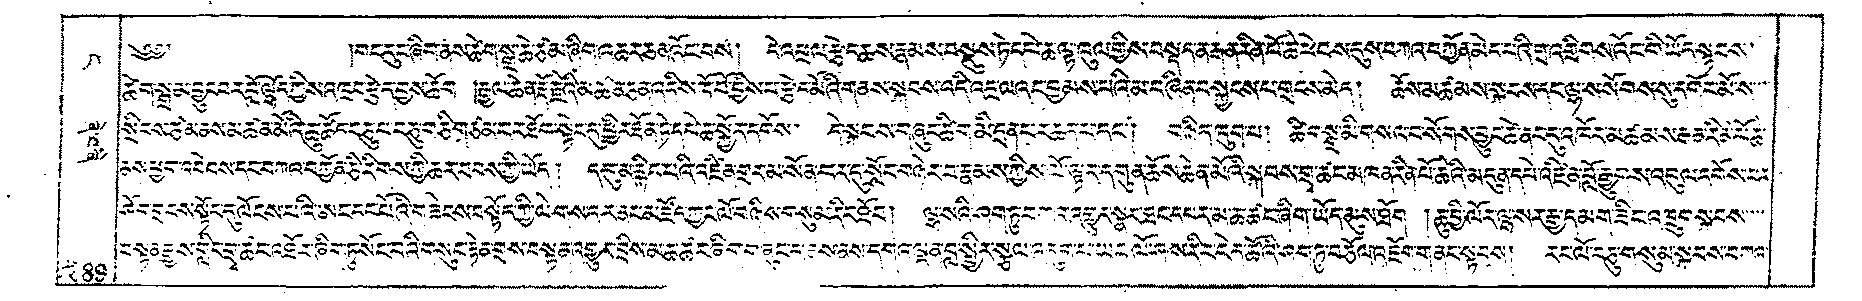༄༅། །གང་རུང་ཞིག་ནས་ཚེག་སྒྲ་ཆེ་ཙམ་ཞིག་འཆར་ཅན་འོང་བས། དེ་འཕྲལ་རྩེད་ཆས་རྣམས་བསྡུས་ཏེ་དཔེ་ཆ་ལྟ་ཁུལ་གྱིས་བསྡད་ན་རྒན་རིན་པོ་ཆེ་ཕེབས་དུས་བཀའ་བཀྱོན་མེད་པའི་གྲ་འགྲིགས་འོང་གི་ཡོད་སྟབས།
ཚེག་སྒྲ་མ་བྱུང་བར་བློ་ལྷོད་ཀྱིས་འཁྲབ་རྩེད་བྱས་ཆོག །རྒྱལ་ཆེན་རྡོ་རྗེའི་མཚན་ཅན་འདིས་ཁོ་བོ་བྱིས་པ་རྩེད་མོའི་གནས་སྐབས་འདི་འདྲ་ལའང་བྱམས་པའི་མ་བཞིན་བསྐྱངས་པ་གྲངས་མེད། ཆོས་མཚམས་སྐབས་དང་ལྷ་ས་སོགས་སུ་དགོང་མོ་ས་
སྲིབས་ཙམ་ནས་མཚན་མོའི་ཆུ་ཚོད་བཅུ་པ་བཅུ་གཅིག་ཙམ་བར་ཐོག་སྟེང་དུ་ཕྱིར་ཐོན་ཏེ་དཔེ་ཆ་སྐྱོར་དགོས། དེ་སྐབས་གཞུང་ཚིག་མི་དྲན་པར་ཆད་པ་དང་། གཉིད་ཁུག་པ། ཚིག་སྒྲ་མི་གསལ་བ་སོགས་བྱུང་ཚེ་ནང་དུ་འཁོར་མཚམས་རྒན་རིན་པོ་ཆེ་
ནས་ཕྱག་འབེབས་དང་བཀའ་བཀྱོན་ཅི་རིགས་ཀྱི་ཆར་བབས་ཀྱི་ཡོད། དབུ་མ་རྙིང་པའི་འཛིན་གྲར་མ་སོན་བར་དུ་སློབ་གཉེར་བ་རྣམས་ཀྱིས་ལོ་ལྟར་དགུན་ཆོས་ཆེན་མོའི་སྐབས་གྲྭ་ཚང་མཁན་རིན་པོ་ཆེའི་མདུན་དཔེ་འཛིན་བློ་རྒྱུགས་འབུལ་དགོས་པར་
ཤོག་གྲངས་སྟོང་དུ་ལོངས་པའི་ཨང་དང་པོའི་གཟེངས་བསྟོད་ཀྱི་ལེགས་དར་ནང་མཛོད་ཀྱང་ལོ་གཉིས་གསུམ་རིང་ཐོབ། ལྷ་སའི་ཤག་ཏུ་བཀའ་འགྱུར་སྣར་ཐང་དཔར་མ་ཆ་ཚང་ཞིག་ཡོད་མུས་ཐོག །ཆུ་བྱི་ལོར་ལྷ་སར་རྒྱ་དམག་ཟིང་འཁྲུག་སྐབས་
བསྟན་རྒྱས་གླིང་གྲྭ་ཚང་འཐོར་ཞིག་ཏུ་སོང་བའི་གསུང་རྟེན་གྲས་བསྟན་འགྱུར་བྲིས་མ་ཆ་ཚང་ཞིག་གཞུང་གནས་ནས་དགའ་ལྡན་བླ་སྤྱིར་སྩལ་འདུག་པ་ཡང་ལོ་ཤས་རིང་ངེས་ཚོའི་ཤག་ཏུ་བཅོལ་འཇོག་གནང་སྟབས། རང་ལོ་བཅུ་གསུམ་སྐབས་བཀའ་